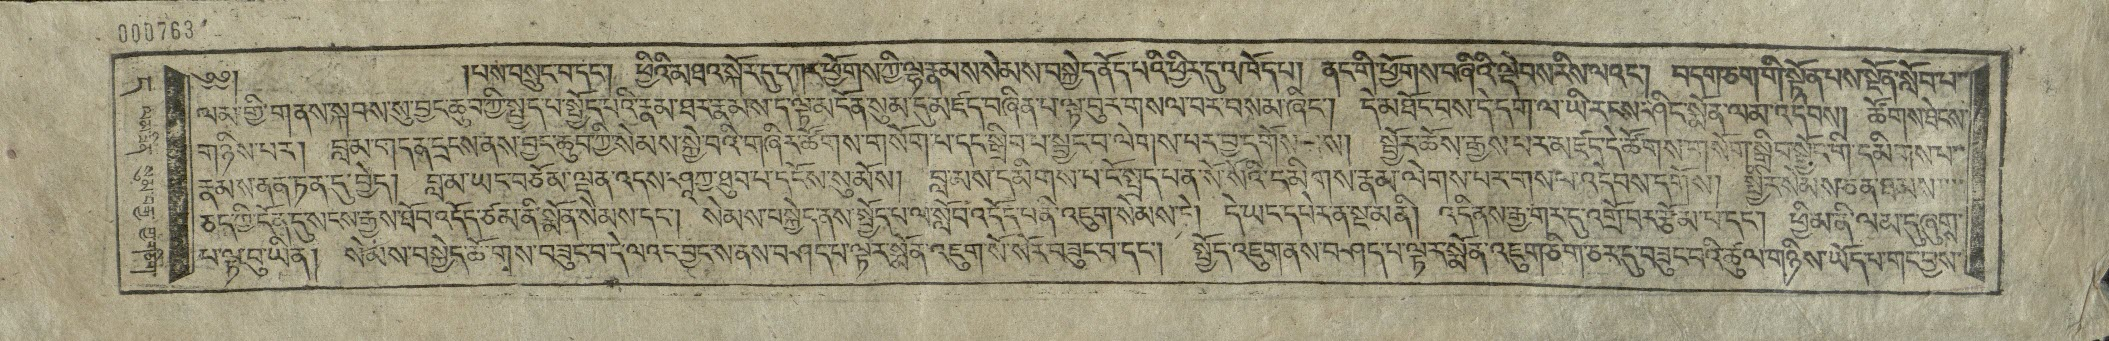༄༅། །པས་བསྲུང་བ་དང་། ཕྱིའི་མཐའ་སྐོར་དུ་དཀར་ཕྱོགས་ཀྱི་ལྷ་རྣམས་སེམས་བསྐྱེད་ནོད་པའི་ཕྱིར་དུ་འཁོད་པ། ནང་གི་ཕྱོགས་བཞིའི་ལྡེབས་རིས་ལའང་། བདག་ཅག་གི་སྟོན་པས་སྔོན་སློབ་པ་
ལམ་གྱི་གནས་སྐབས་སུ་བྱང་ཆུབ་ཀྱི་སྤྱད་པ་སྤྱོད་པའི་རྣམ་ཐར་རྣམས་ད་ལྟ་མངོན་སུམ་དུ་མཛད་བཞིན་པ་ལྟ་བུར་གསལ་བར་བསམ་ཞིང་། དེ་མཐོང་བས་དེ་དག་ལ་ཡི་རངས་ཤིང་སྨོན་ལམ་འདེབས། ཚོགས་ཐེངས་
གཉིས་པར། བླ་མ་གདན་དྲངས་ནས་བྱང་ཆུབ་ཀྱི་སེམས་སྐྱེ་བའི་གཞིར་ཚོགས་གསོག་པ་དང་སྒྲིབ་པ་སྦྱང་བ་ལེགས་པར་བྱ་དགོས་པས། སྦྱོར་ཆོས་རྒྱས་པར་མཛད་དེ་ཚོགས་གསོག་སྒྲིབ་སྦྱོང་གི་དམིགས་པ་
རྣམས་ནན་ཏན་དུ་བྱེད། བླ་མ་ཡང་བཅོམ་ལྡན་འདས་ཤཱཀྱ་ཐུབ་པ་དངོས་སུ་མོས། བླ་མས་དམིགས་པ་ངོ་སྤྲད་པ་ན་སོ་སོའི་དམིགས་རྣམ་ལེགས་པར་གསལ་འདེབས་དགོས། སྤྱིར་སེམས་ཅན་ཐམས་
ཅད་ཀྱི་དོན་དུ་སངས་རྒྱས་ཐོབ་འདོད་ཙམ་ནི་སྨོན་སེམས་དང་། སེམས་བསྐྱེད་ནས་སྤྱོད་པ་ལ་སློབ་འདོད་པ་ནི་འཇུག་སེམས་ཏེ། དེ་ཡང་དཔེར་ན་སྔ་མ་ནི། འདི་ནས་རྒྱ་གར་དུ་འགྲོ་བར་རྩོམ་པ་དང་། ཕྱི་མ་ནི་ལམ་དུ་ཞུགས་
པ་ལྟ་བུ་ཡིན། སེམས་བསྐྱེད་ཆོ་གས་བཟུང་བ་དེ་ལའང་བྱང་ས་ནས་བཤད་པ་ལྟར་སྨོན་འཇུག་སོ་སོར་བཟུང་བ་དང་། སྤྱོད་འཇུག་ནས་བཤད་པ་ལྟར་སྨོན་འཇུག་ཅིག་ཅར་དུ་བཟུང་བའི་ཚུལ་གཉིས་ཡོད་པ་གང་བྱས་